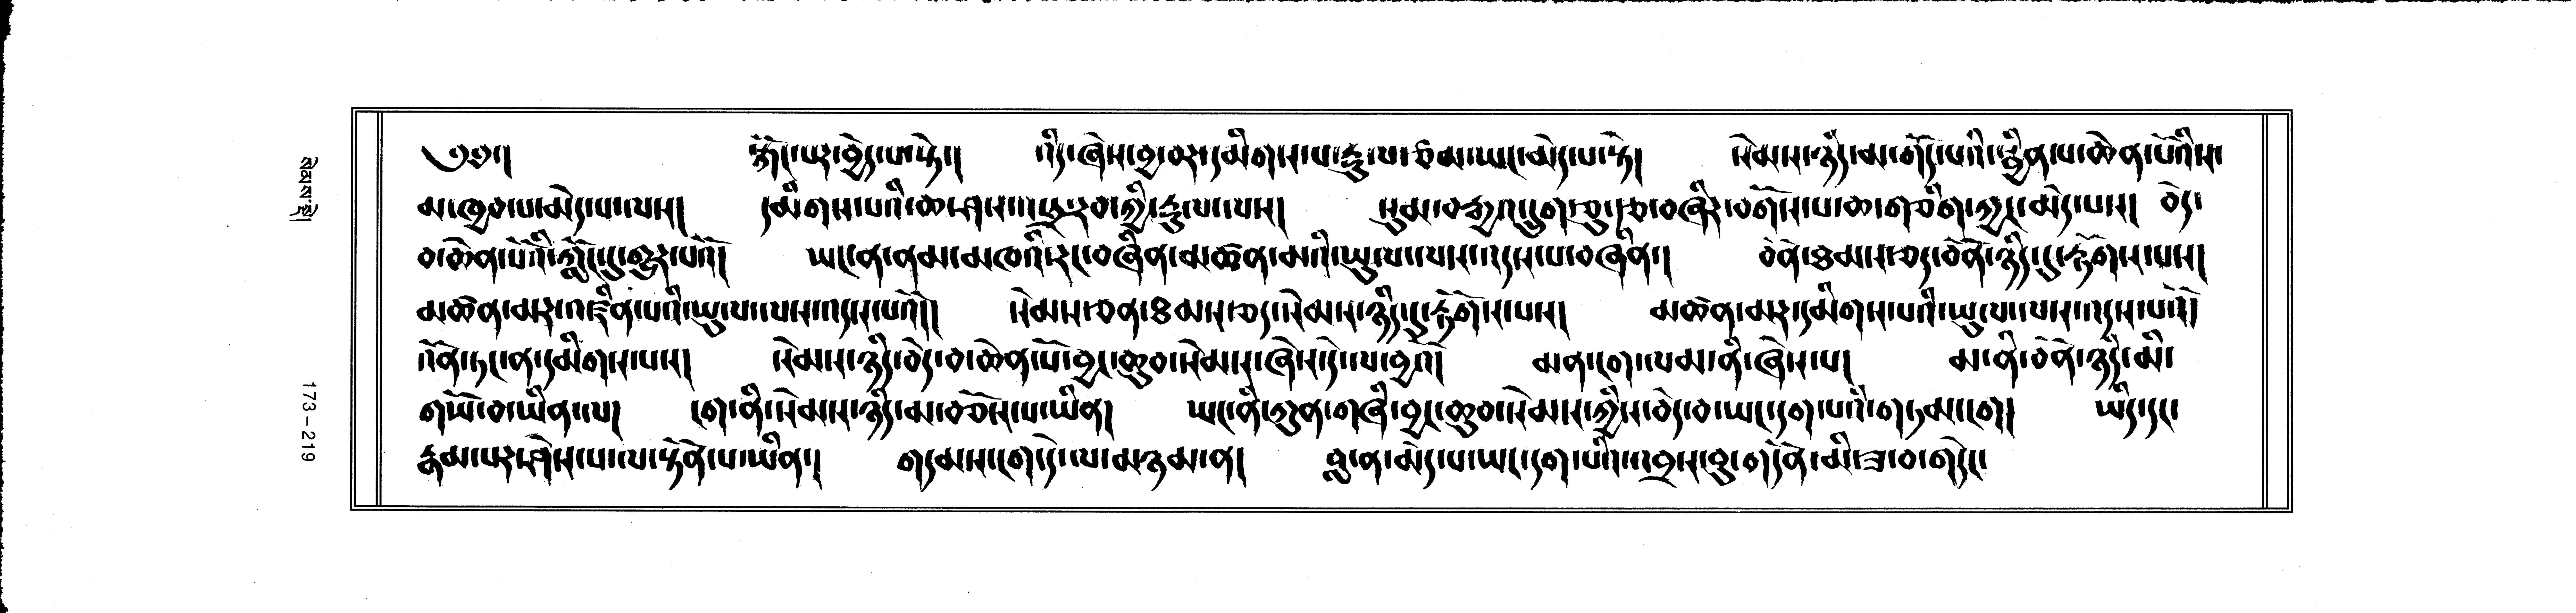སྐོང་བར་བྱེད་པ་སྟེ། འདི་ཞེས་བྱ་བར་དམིགས་པ་རྡུལ་ཙམ་ཡང་མེད་པ་སྟེ། སེམས་ཉིད་མ་གོད་པའི་སྦྱིན་པ་ཆེན་པོས་
མ་ཁྱབ་པ་མེད་པ་ལས། དམིགས་པའི་ཆ་ཤས་ཕྲ་རབ་ཀྱི་རྡུལ་ལས། སུམ་བརྒྱ་དྲུག་ཅུ་རྩ་བཞིར་བགོས་པ་ཆ་གཅིག་ཀྱང་མེད་པས། བདེ་
བ་ཆེན་པོའི་ཀློང་དུ་གྱུར་པའོ། །ཡང་ན་ནམ་མཁའི་རང་བཞིན་མཚན་མའི་ཡུལ་ལས་འདས་པ་བཞིན། བོན་ཐམས་ཅད་སྟོང་ཉིད་དུ་རྟོགས་པས། 
མཚན་མར་འཛིན་པའི་ཡུལ་ལས་འདས་པའོ། །སེམས་ཅན་ཐམས་ཅད་སེམས་ཉིད་དུ་རྟོགས་པས། མཚན་མར་དམིགས་པའི་ཡུལ་ལས་འདས་པའོ། །
འོན་ཏང་ན་དམིགས་པས། སེམས་ཉིད་བདེ་བ་ཆེན་པོ་བྱང་ཆུབ་ཀྱི་སེམས་ཞེས་དེ་ལ་བྱའོ། །མན་ངག་ལམ་ནི་ཞེས་པ། མ་ནི་བོན་ཉིད་མི་
གཡོ་བ་ཡིན་ལ། ངག་ནི་སེམས་ཉིད་མ་བཅོས་པ་ཡིན། ཡང་ནི་ཀུན་གཞི་བྱང་ཆུབ་སེམས་ཀྱི་བདེ་བ་ཡང་དག་པའི་གདམས་ངག་ཡིད་དང་
རྣམ་པར་ཤེས་པ་ལ་སྟོན་པ་ཡིན། གདམས་ངག་དེ་ལ་མཉམ་ན། བླ་ན་མེད་པ་ཡང་དག་པའི་འབྲས་བུ་གདོན་མི་ཟ་བ་གདེང་